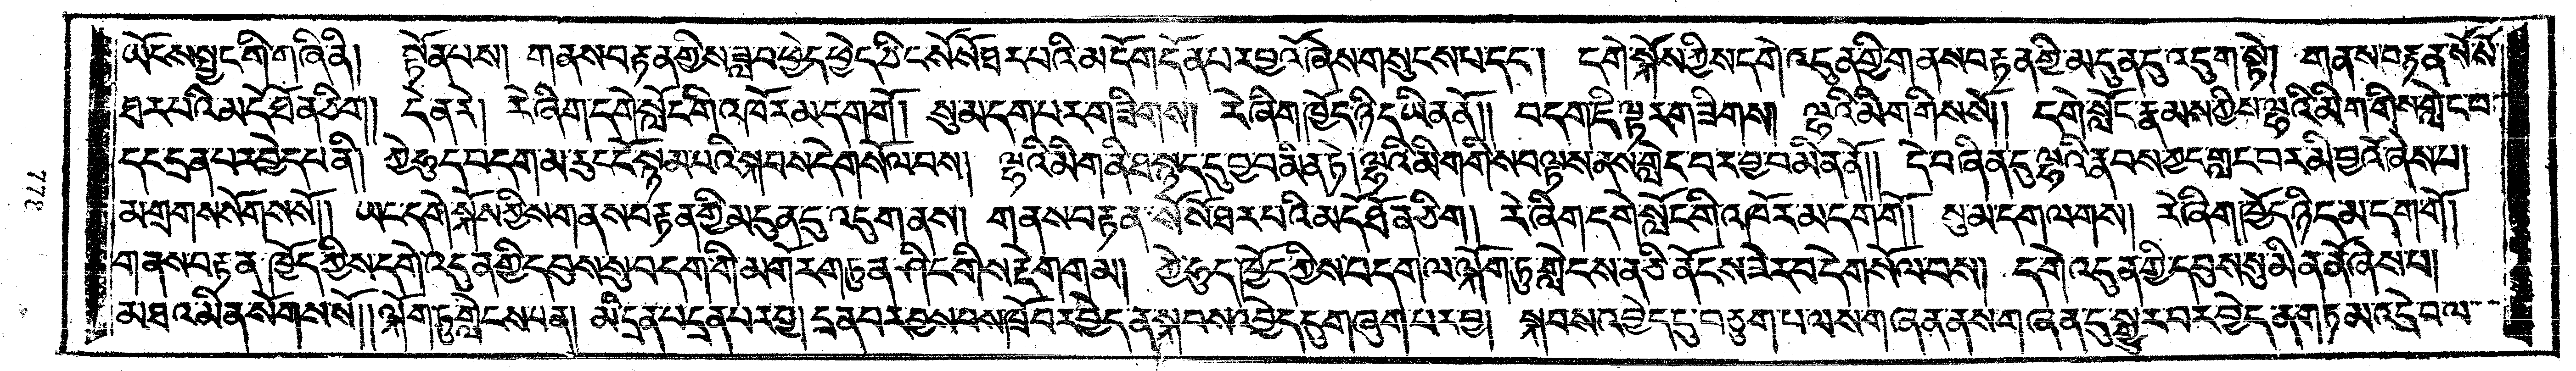ཡོངས་སྤྱང་གི་གཞི་ནི། སྟོན་པས། གནས་བརྟན་གྱིས་ཟླ་བ་ཕྱེད་ཕྱེད་ཅིང་སོ་སོ་ཐར་པའི་མདོག་དོན་པར་བྱའོ་ཞེས་གསུངས་པ་དང་། དགེ་སྐོས་ཀྱིས་དགེ་འདུན་གྱི་གནས་བརྟན་གྱི་མདུན་དུ་འདུག་སྟེ། གནས་བརྟན་སོ་སོ་
ཐར་པའི་མདོ་ཐོན་ཅིག། དེ་ན་རེ། རེ་ཞིག་དགེ་སློང་གི་འཁོར་མདག་གོ། སུ་མ་དག་པར་གཟིགས། རེ་ཞིག་ཁྱོད་ཉིད་ཡིན་ནོ།། བདག་ཇི་ལྟར་གཟིགས། ལྷའི་མིག་གིས་སོ།། དགེ་སློང་རྣམས་ཀྱིས་ལྷའི་མིག་གིས་གླེང་བ་
དང་དྲན་པར་བྱེད་པ་ནི། ཀྱེ་ཧུད་བདག་མ་རུང་ངོ་སྙམ་པའི་སྐབས་དེ་གསོལ་བས། ལྷའི་མིག་ནི་ཐ་སྙད་དུ་བྱ་བ་མིན་ཏེ། ལྷའི་མིག་གིས་བལྟས་ནས་གླེང་བར་བྱ་བ་མིན་ནོ།། དེ་བཞིན་དུ་ལྷའི་རྣབས་ཀྱང་གླང་བར་མི་བྱའོ་ཞེས་པ།
མ་གྲགས་སོགས་སོ།། ཡང་དགེ་སྐོས་ཀྱིས་གནས་བརྟན་གྱི་མདུན་དུ་འདུག་ནས། གནས་བརྟན་སོ་སོ་ཐར་པའི་མདོ་ཐོན་ཅིག། རེ་ཞིག་དགེ་སློང་གི་འཁོར་མ་དག་གོ། སུ་མ་དག་ལགས། རེ་ཞིག་ཁྱོད་ཉིད་མ་དག་གོ།
གནས་བརྟན་ཁྱོད་ཀྱིས་དགེ་འདུན་གྱི་དབུས་སུ་བདག་གི་མགོར་གཏུན་ཤིང་གིས་རྡེག་གམ། ཀྱེ་ཧུད་ཁྱོད་ཀྱིས་བདག་ལ་ལྐོག་ཏུ་གླེངས་ན་ཅི་ནོངས་ཟེར་བ་དེ་གསོལ་བས། དགེ་འདུན་གྱི་དབུས་སུ་མིན་ནོ་ཞེས་པ།
མཐའ་མིན་སོགས་སོ།། ལྐོག་ཏུ་གླེངས་པ་ན། མི་དྲན་པ་དྲན་པར་བྱ། དྲན་པར་བྱས་པས་ཁྲོ་བར་བྱེད་ན་སྐབས་འབྱེད་དུ་གཞུག་པར་བྱ། སྐབས་འབྱེད་དུ་བཅུག་པ་ལས་གཞན་ནས་གཞན་དུ་སྒྱུར་བར་བྱེད་ན་གཏམ་འདྲེ་བ་ལ་